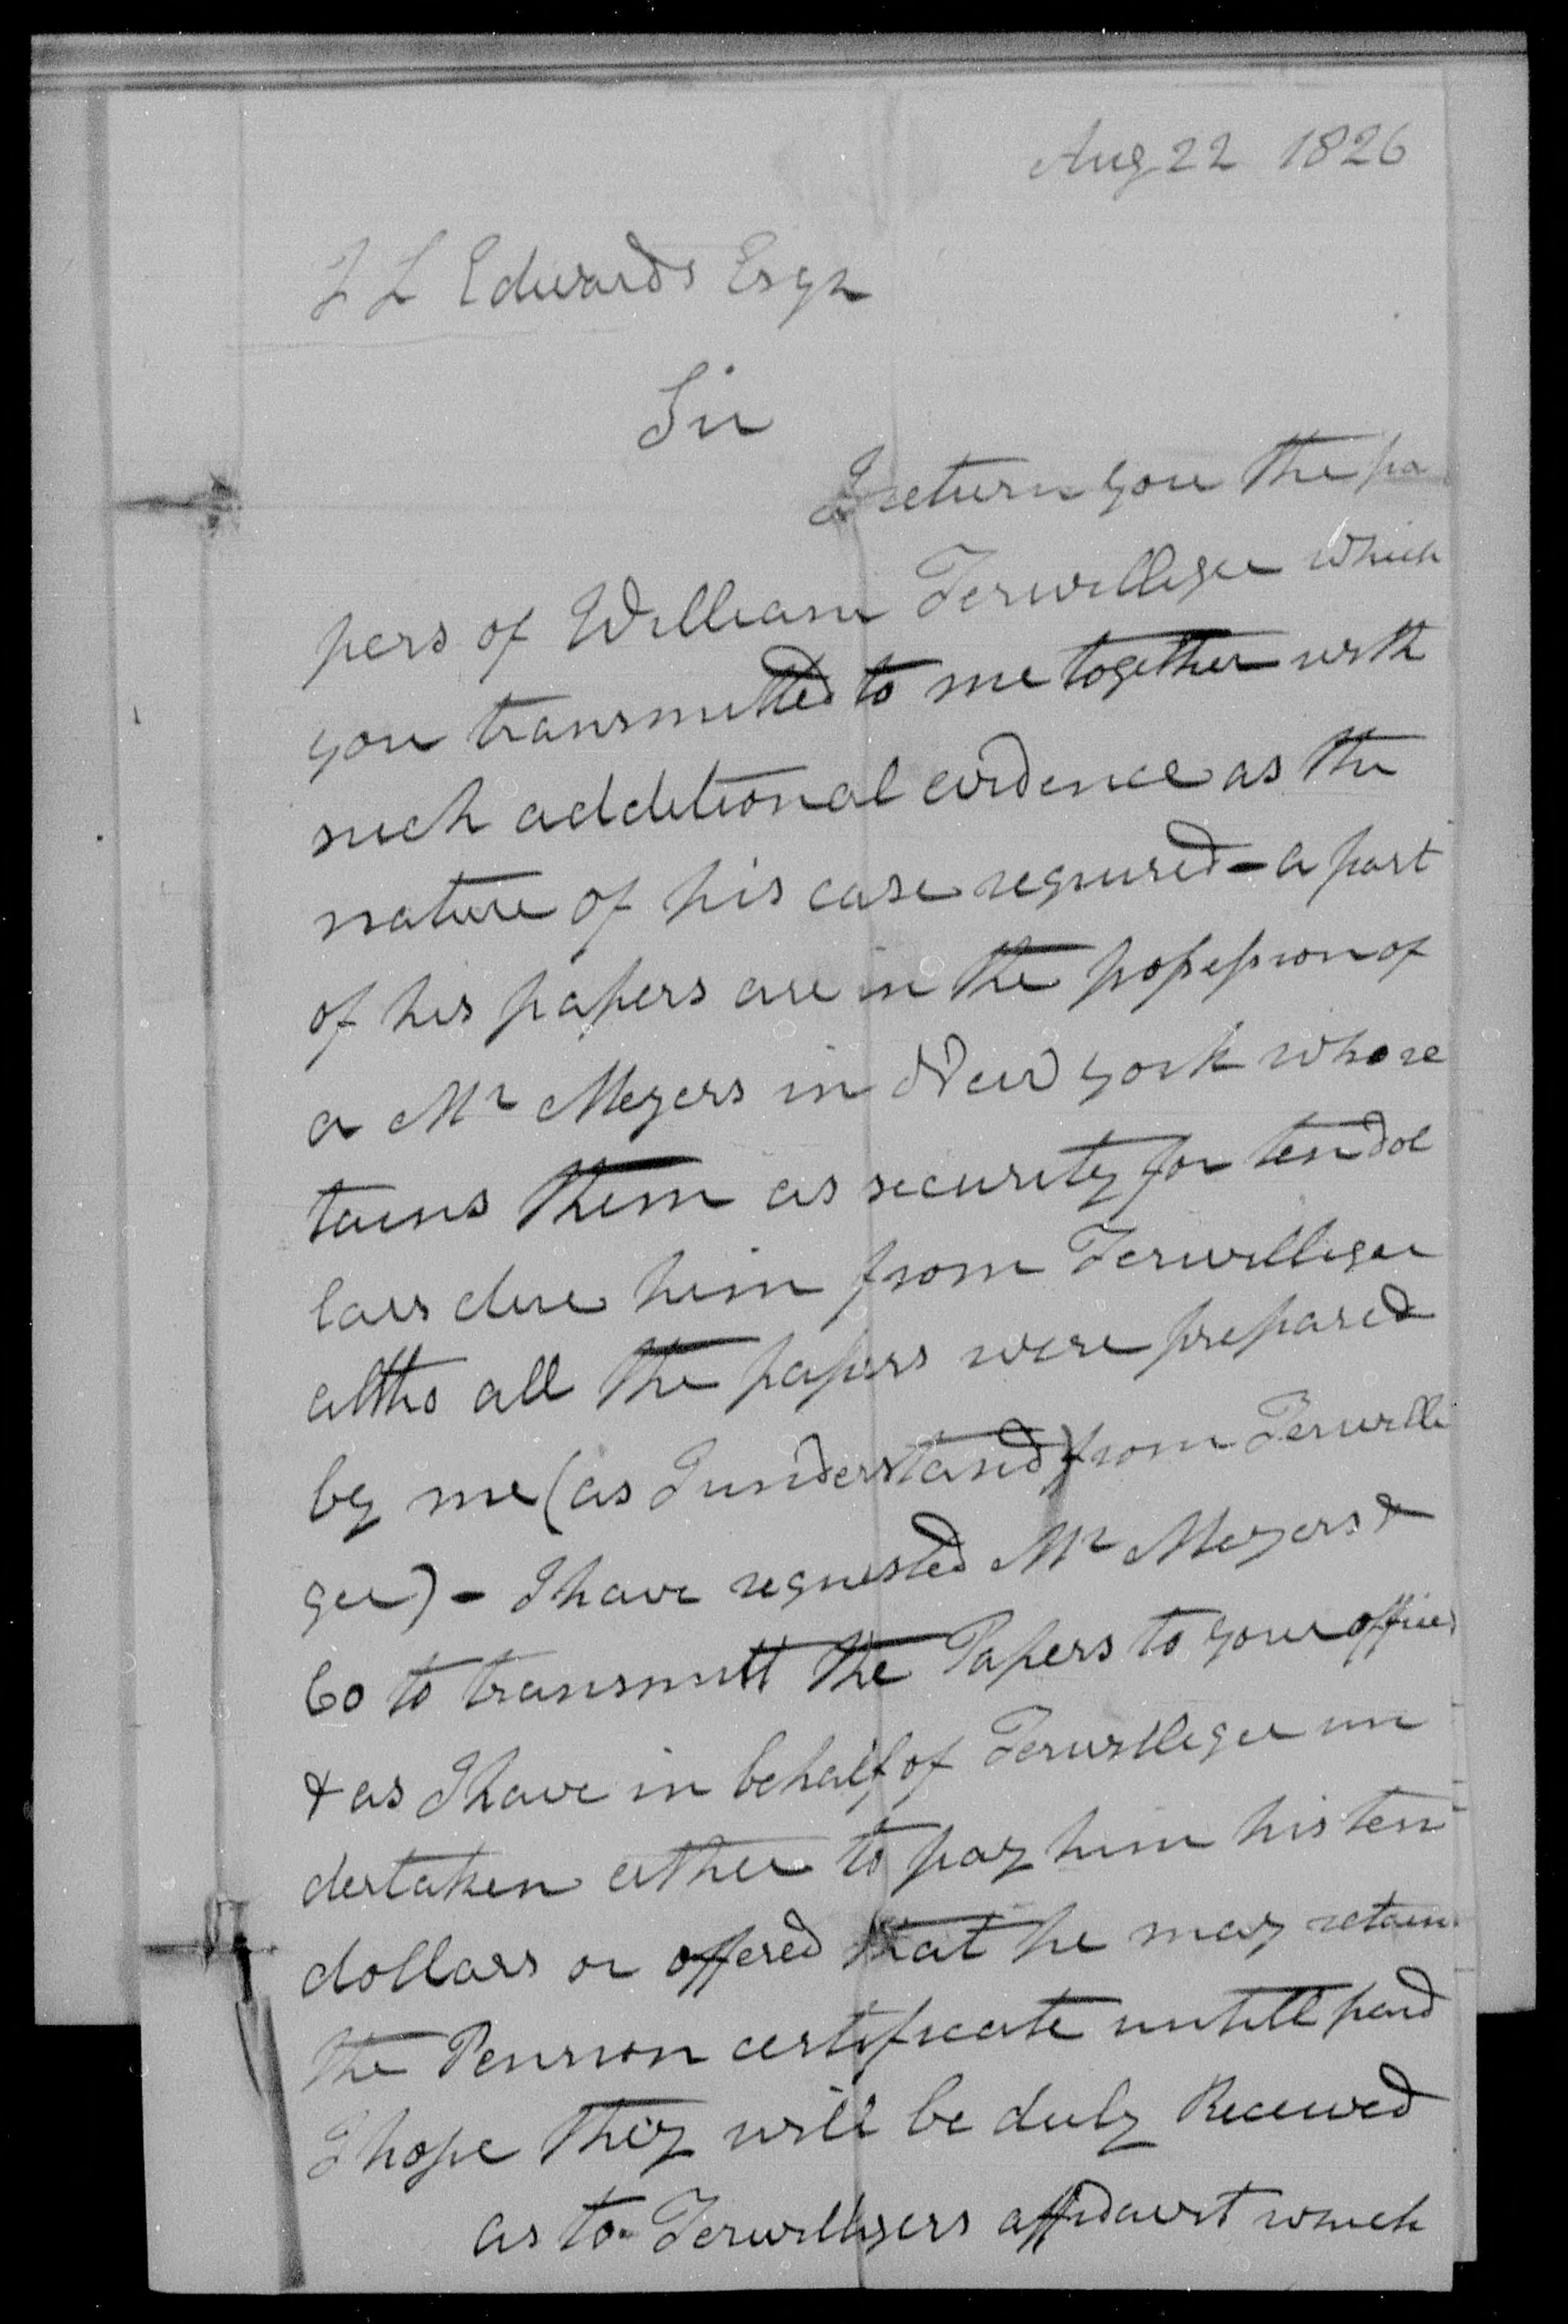Aug 22 1826
J L Edwards Esq
Sir,
I return you the papers of William Terwilliger which you transmitted to me together with
such additional evidence as the
nature of his case required-- a part of
his papers are in the possession of
a Mr Meyers in
New York whose
retains them as
security for ten dollars due due him from Terwilliger
altho all the papers were prepared
by me (as I understand from Terwilliger
). I have requested Mr Mayer &
Co to transmitt the papers to your office
& as I have in behalf of Terwilliger 
udertaken other to pay him his ten
dollars or offered that he may return
the Pension certificate untill paid
hope they will be duly received
as to Terwilliger affidavit which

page: 24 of 64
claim: survivor's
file: S. 42,464, for William Terwilliger, New York